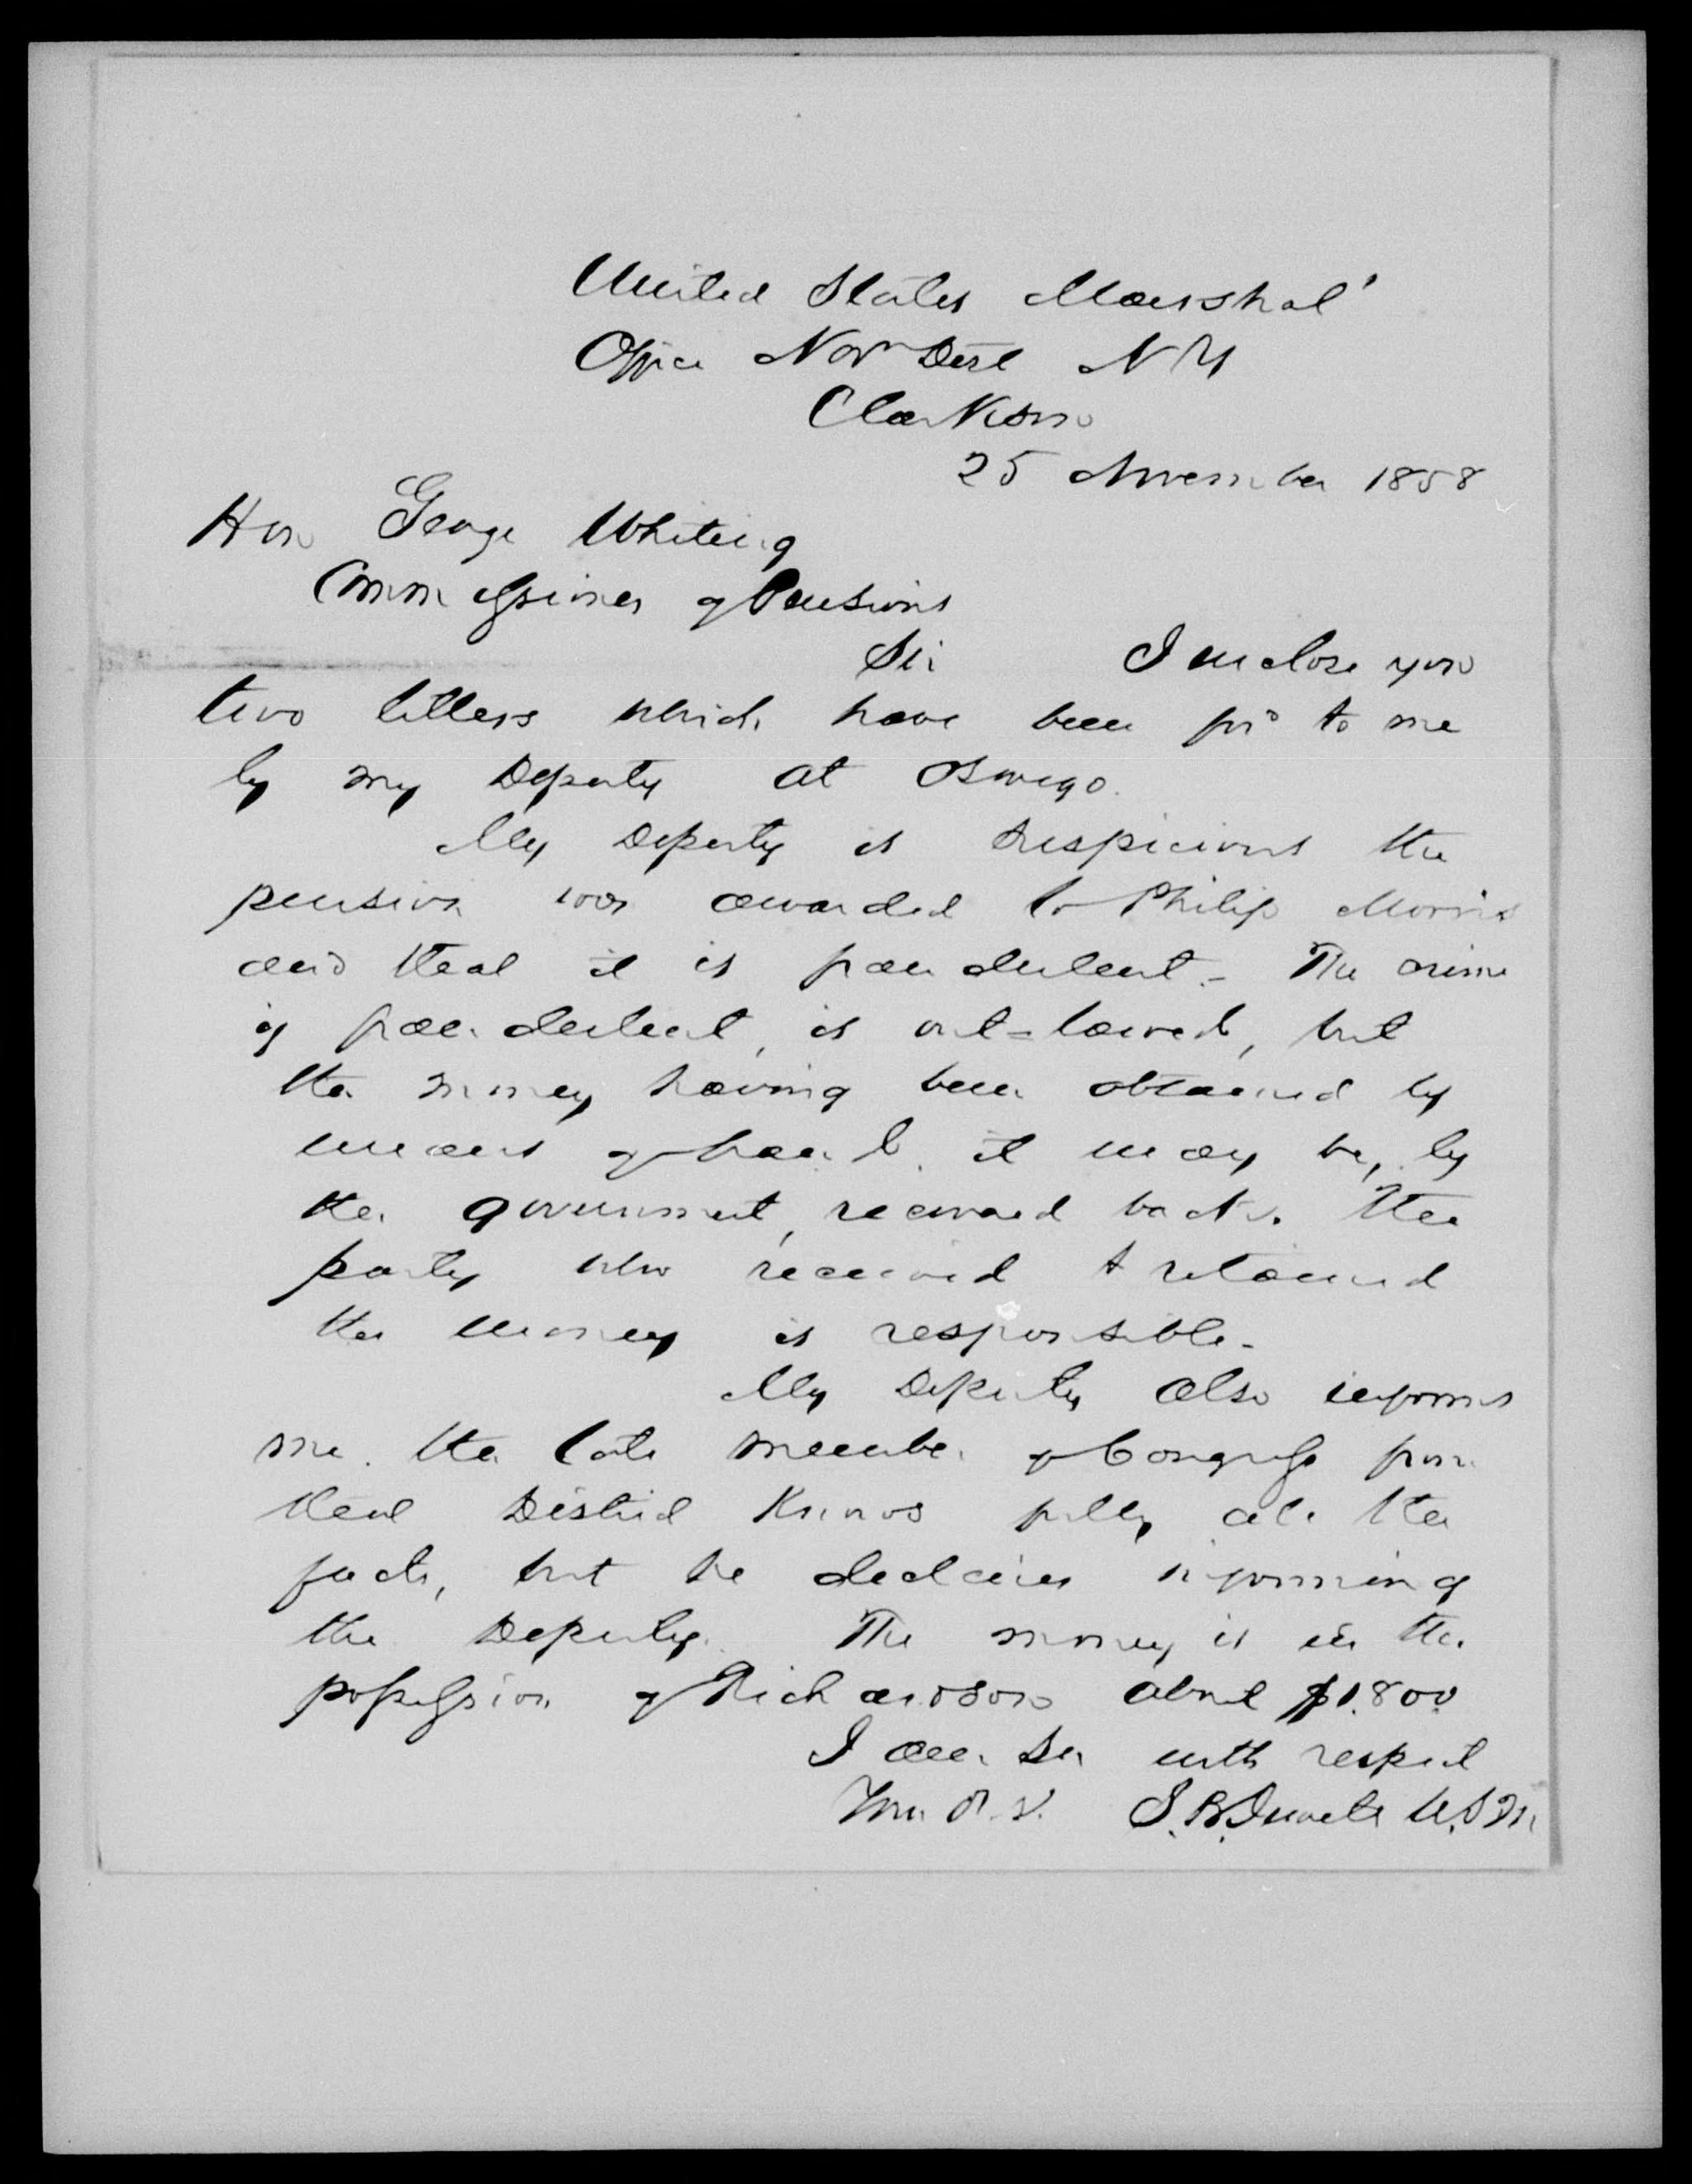United States Marshal
Office Nor[illegilbe] NY
Clarkson
25 November 1858

Hon George Whiting
Commissioner of Pensions

Sir
I mailed you two letters which have been for. to me by my Deputy at Oswego.
My Deputy is suspicious the pension was awarded to Philip Morris and feal it is fraudulent. The [illegible] , is [illegible], but the money having been obtained by [illegible]. it was [illegible] government, remand back. The party who received & returned the money is responsible.

My deputy also informs me [illegible] of Congress [illegible] knows fully all the facts, but he declines informing the Deputy. the money is  [illegible] possession which [illegible] about $1800.
[illegible]
with respect
S.B. Jewett  U.S. Di.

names: S B Jewett; Philip Morris; George Whiting; [BLANK] Richardson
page: 39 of 44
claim: survivor's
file: S. 28,815, for Philip Morris, Rhode Island